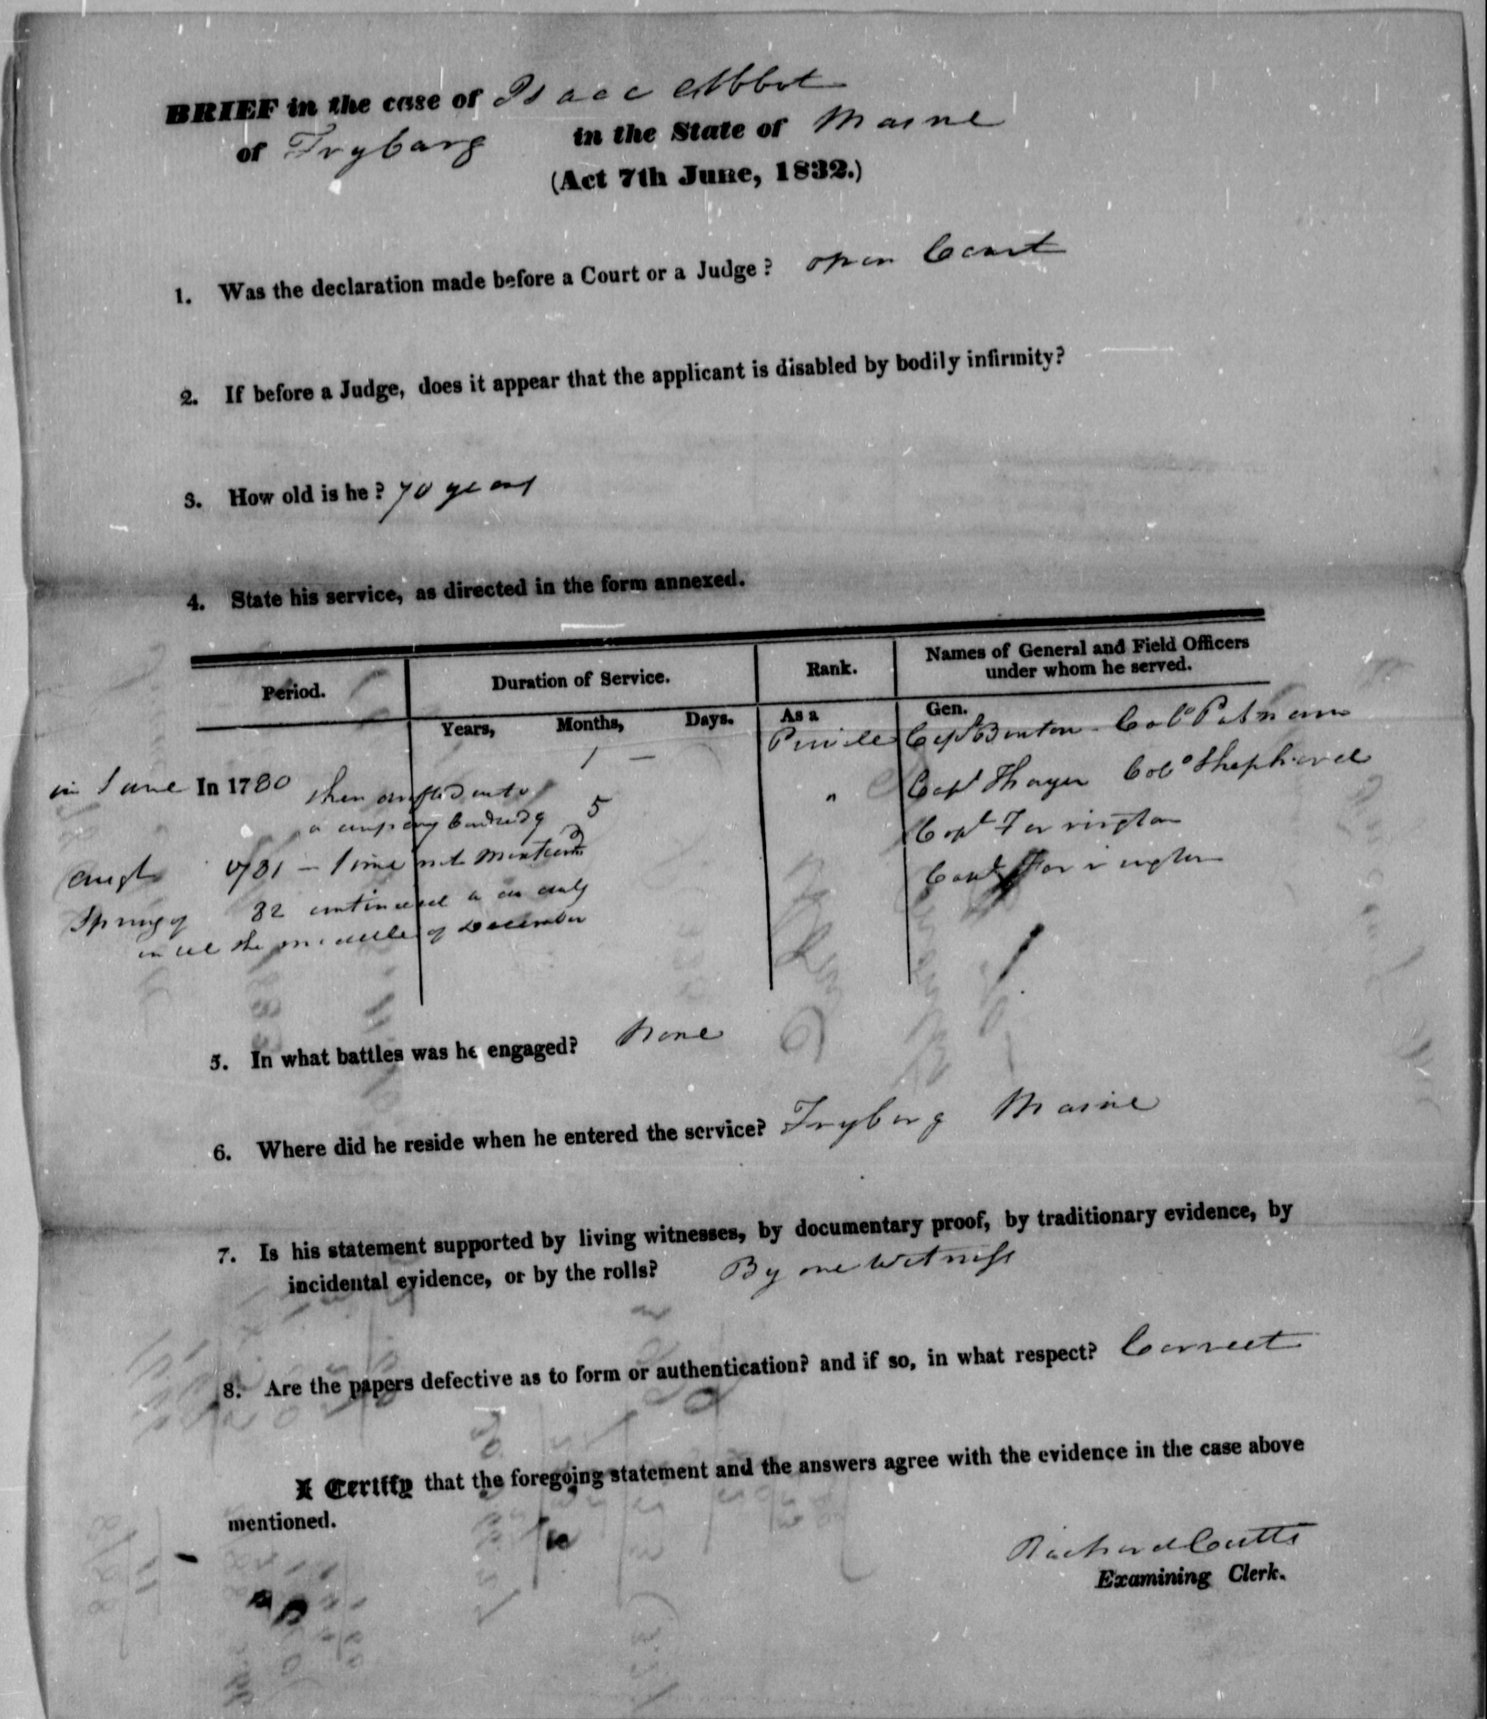BRIEF in the case of Isaac Abbot
of Fryeburg in the State of Maine
(Act 7th June, 1832.)

1. Was the declaration made before a Court of a Judge? open Court

2. If before a Judge, does it appear that the applicant is disabled by bodily infirmity?

3. How old is he? 70 years

4. State his service, as directed in the form annexed.
====================
Period.
____________________
in June In 1780 when outfitted into a company [illegible]
April 1731 - Time not mentioned
January of 32 continued a as duty until the middle of December
====================
Duration of Service.
____________________
Years, Months, Days
1 month
5 months
12 months
====================
Rank.
____________________
As a
Private
"
====================
names of General and Field Officers under whom he served.
____________________
Gen.
Capt. Benton - Col. Putnam
Capt. Thayer - Col. Shepherd
Capt. Farrington
Capt. Farrington

5. In what battles was he engaged? none

6. Where did he reside when he entered the service? Fryeburg, Maine

7. Is his statement supported by living witnesses, by documentary proof, by traditionary evidence, by incidental evidence, or by the rolls? By one witness

8. Are the papers defective as to form authentication? and if so, in what respect? Correct

*Certify that the foregoing statement and the answers agree with the evidence in the case above mentioned.

[SIGNED: Richard Cutts]
Examining Clerk.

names: Benton, Farrington, Putnam, Richard Cutts, Isaac Abbot, Shepherd, Farrington, Thayer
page: 8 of 86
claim: survivor's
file: S 29,568, Isaac Abbot, Mass